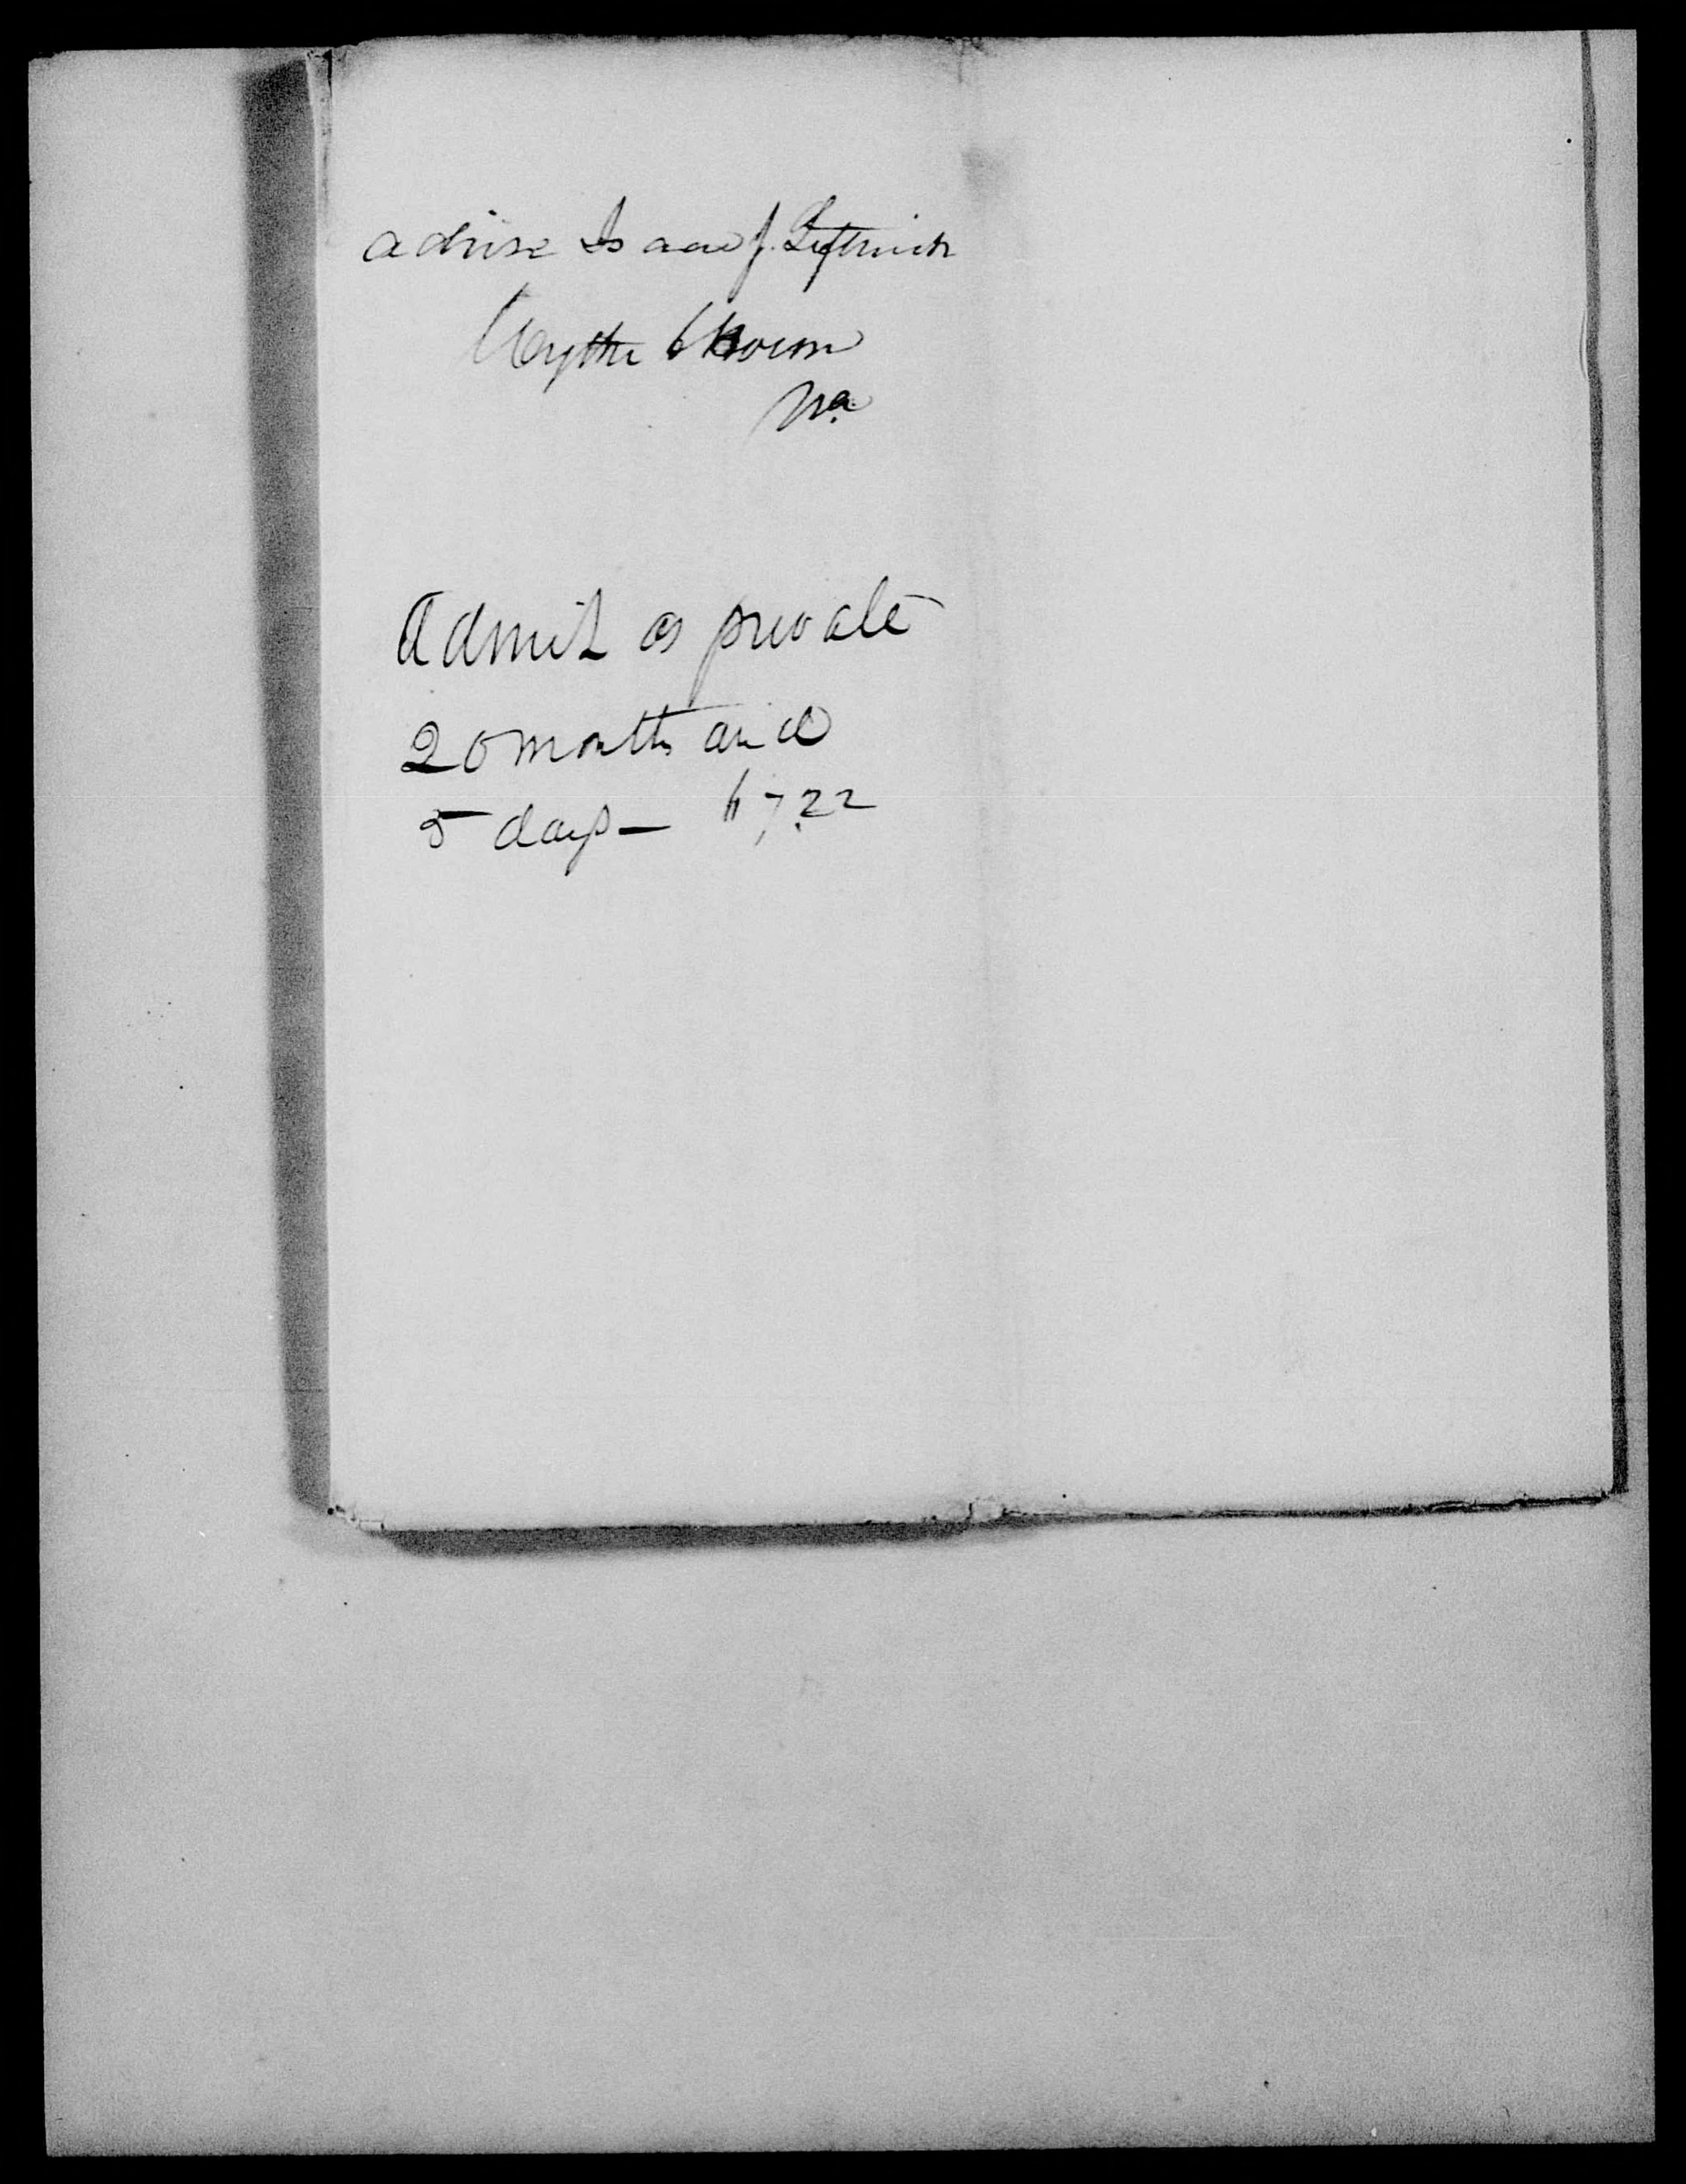advise Isaac J. Leftwich
Wythe CHouse
Va.

Admit as private
20 months and 5 days - 6722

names: Isaac J Leftwich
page: 23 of 35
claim: survivor's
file: S. 30,665, for John Prewett, Virginia